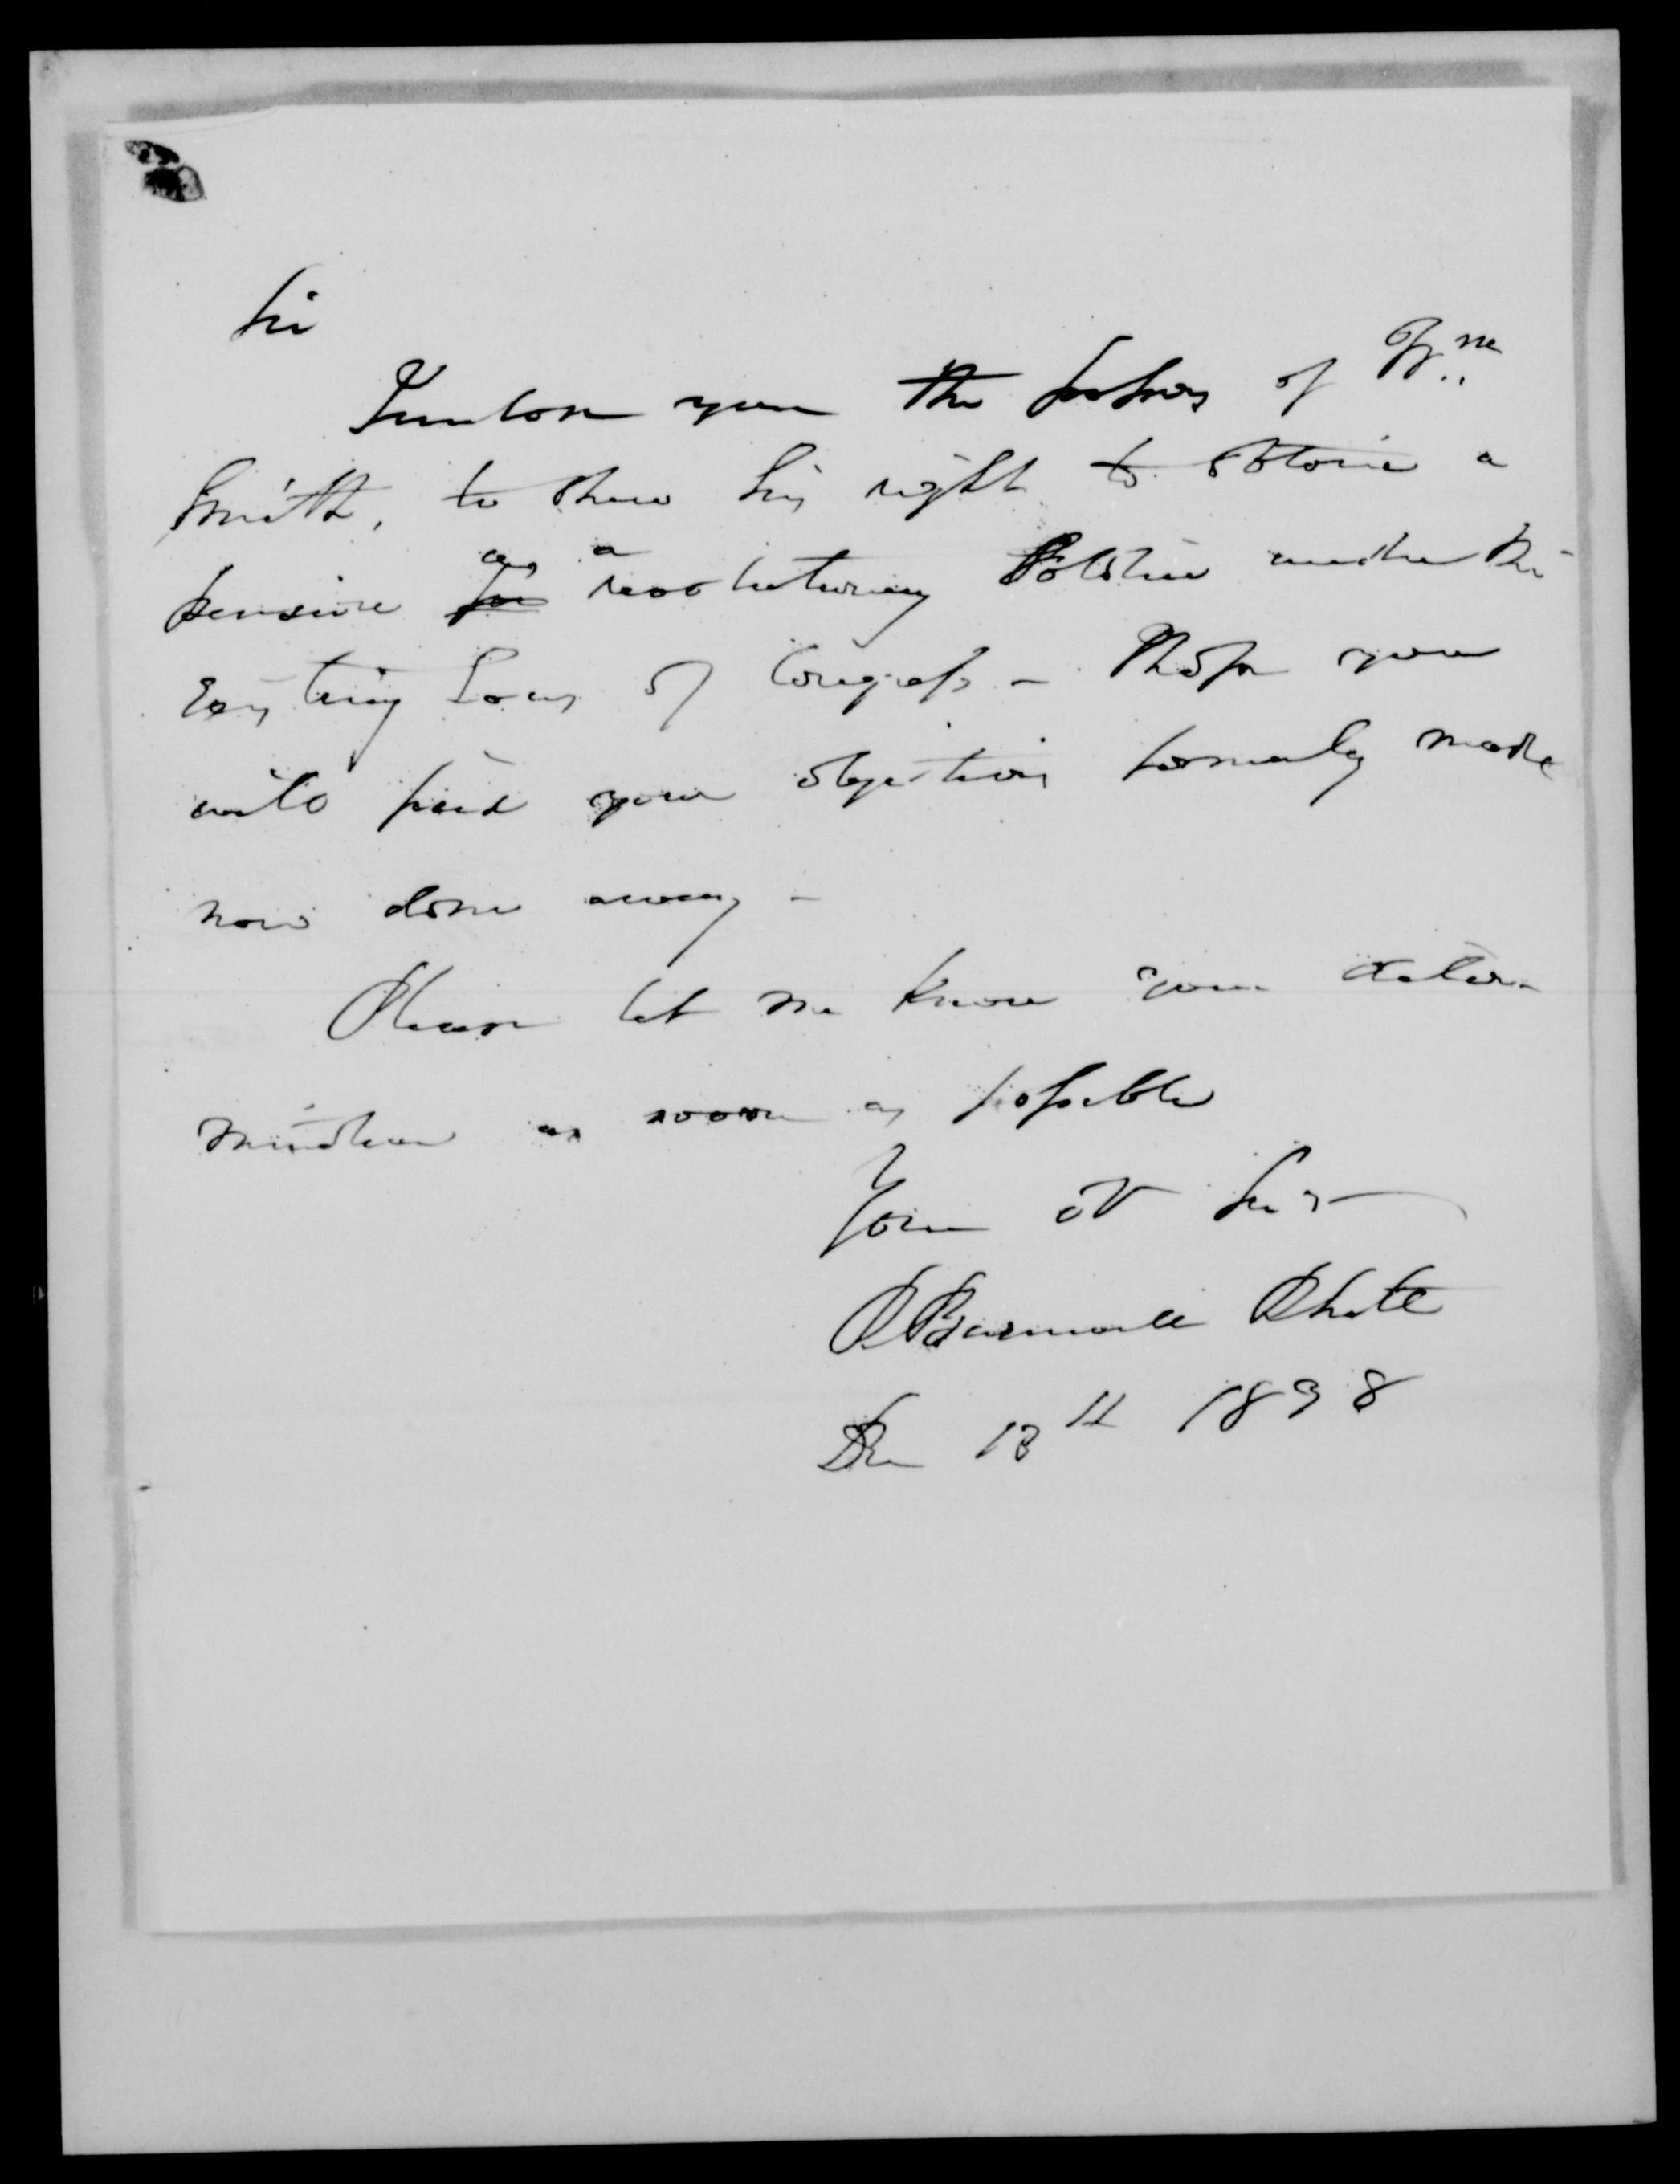Sir
Enclose you the papers of Wm. Smith, to show his right to obtain a pension as a revolutionary soldier under the existing laws of Congress. Pls for you unto paid your [illegible] [illegible] make now done away.
Please let me know your determination as soon as possible.
Your Ob sevt
R Barnwell Rhett
Dec 13th 1838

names: R Barnwell Rhett; Wm Smith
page: 18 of 21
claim: rejected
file: R. 9875, for William Smith, South Carolina